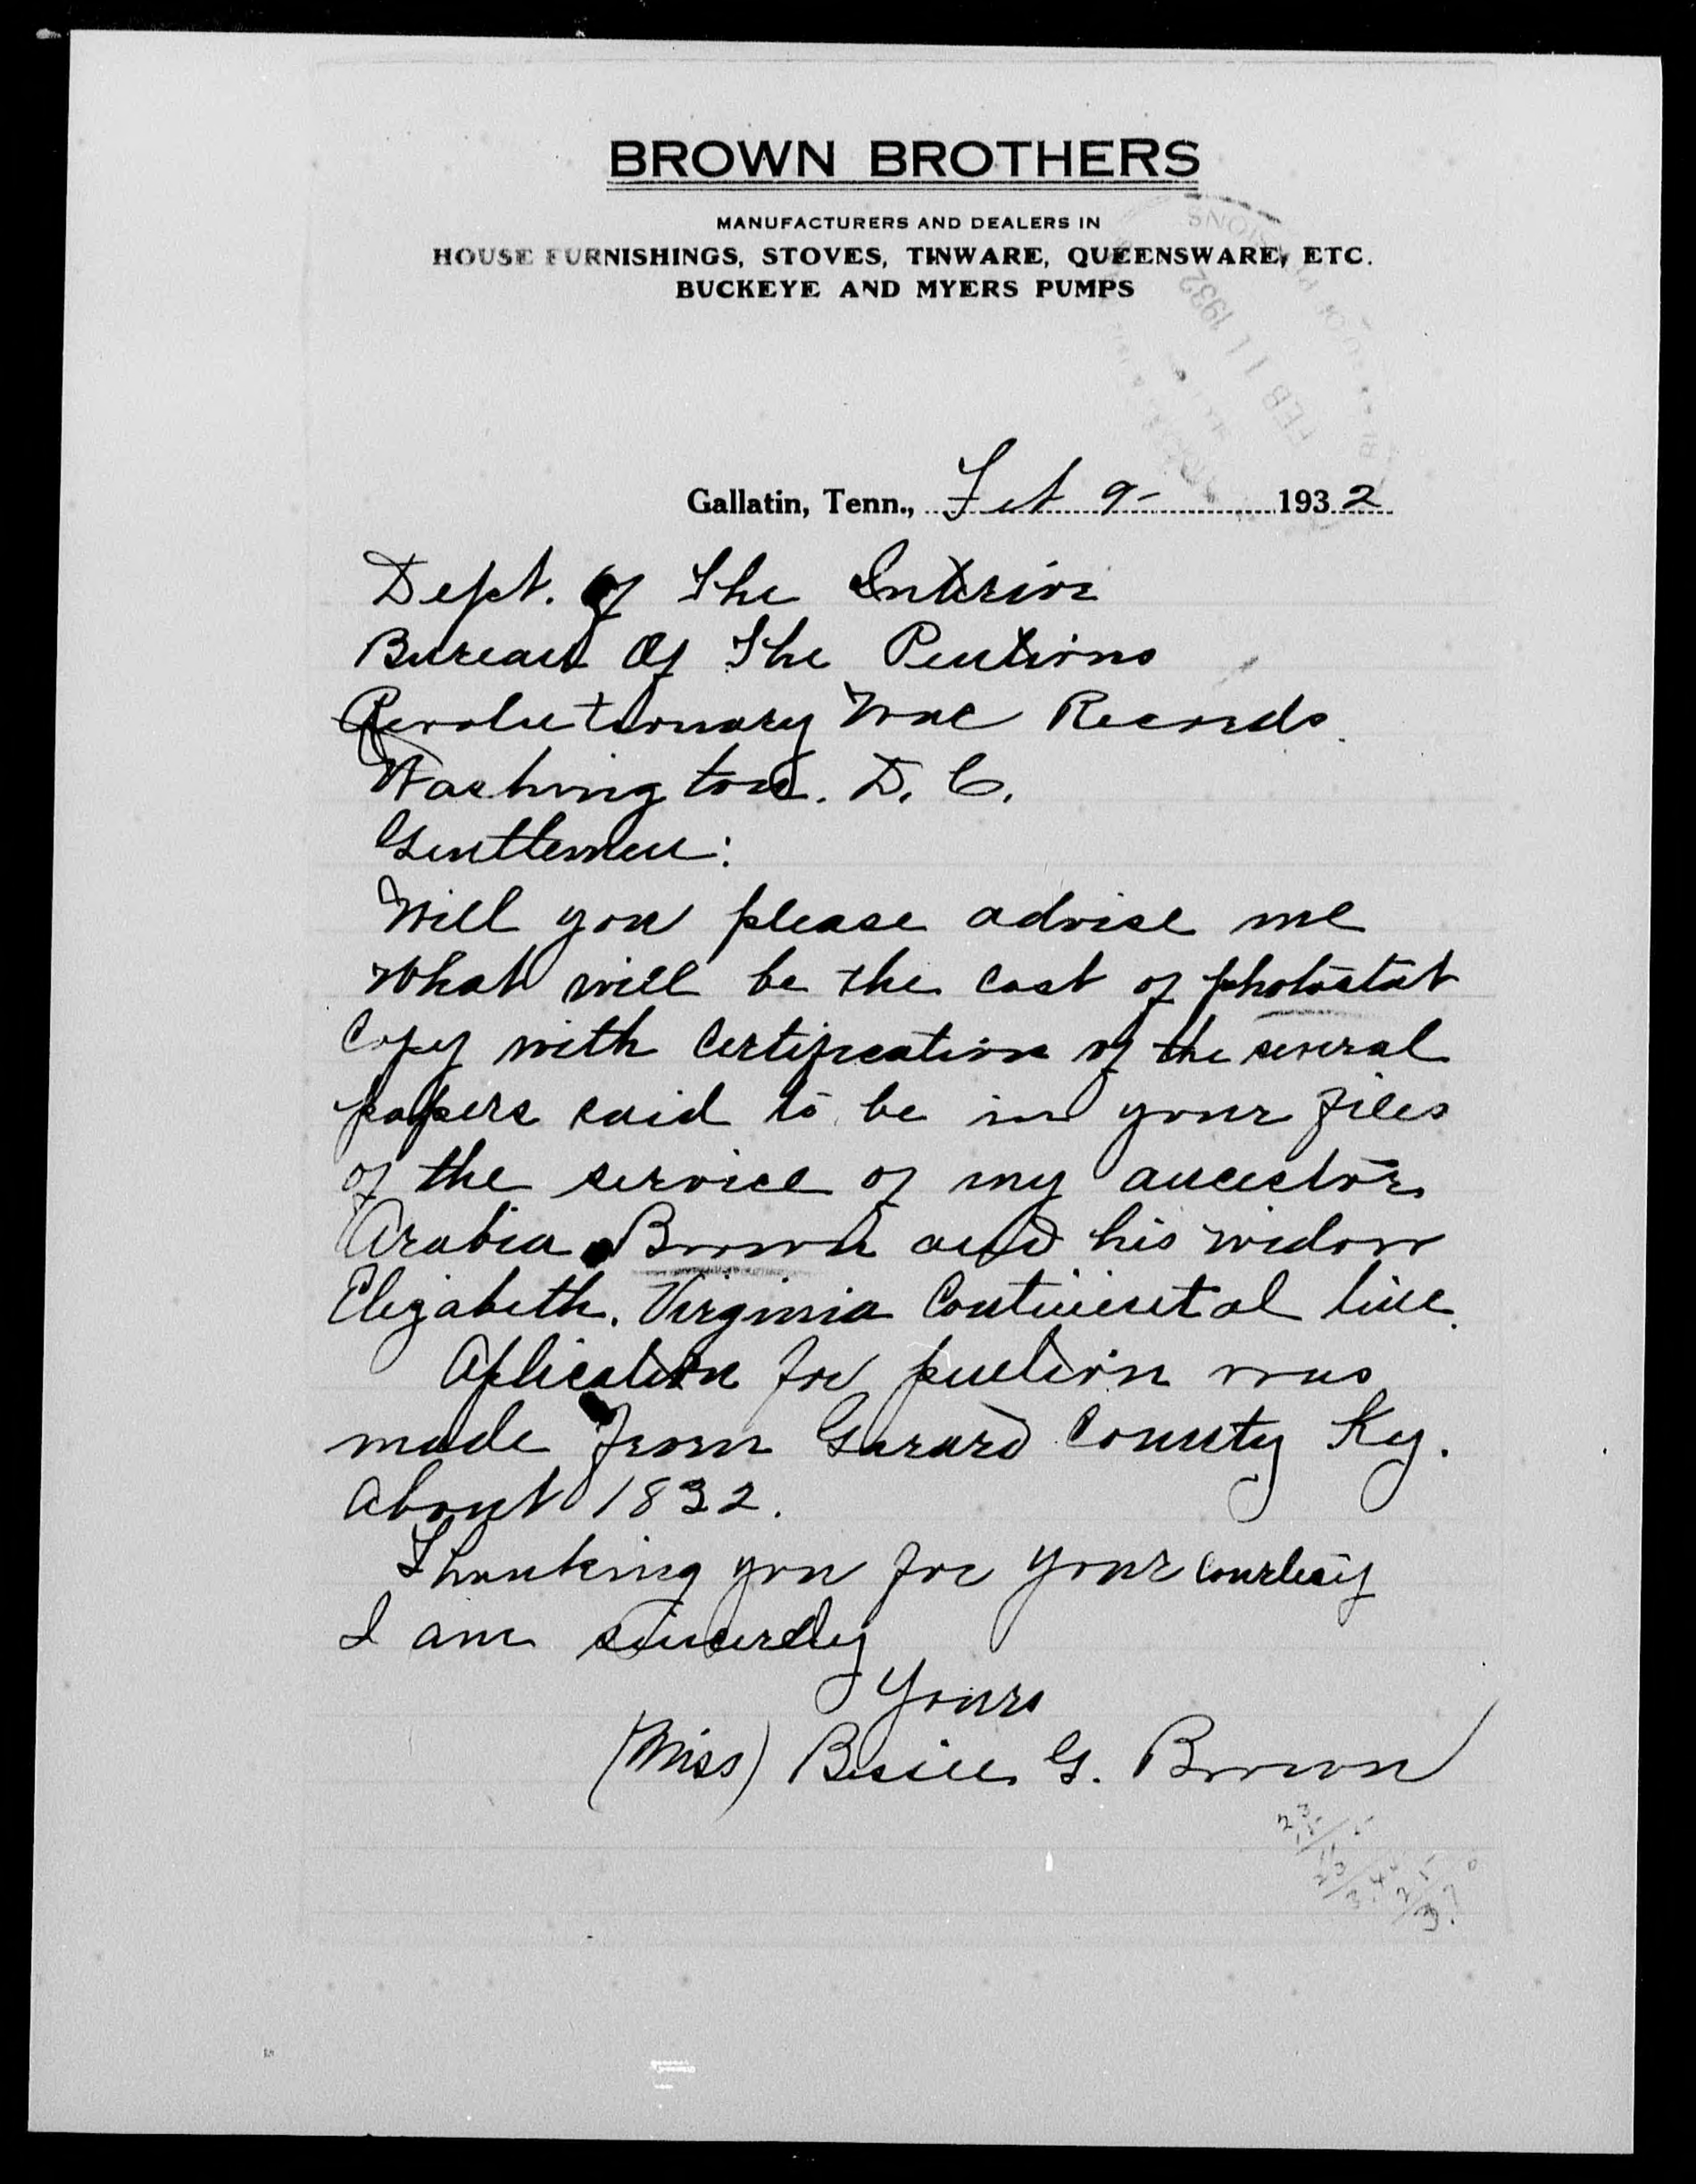BROWN BROTHERS
Manufacturers and Dealers in
House Furnishings, Stoves, Tinware, Queensware, ETC.
Buckeye and Myers Pumps

Gallatin, Tenn.  Feb 9 1932

STAMP:  Feb 11 1932
Revolutionary War Pensions

Dept. of the Interior
Bureau of the Pensions
Revolutionary War Records
Washing ton D.C.
Gentlemen:

Will you please advise me
what will be the cost of photostatic
copy with certifications of the several
papers said to be in your files
of the service of my ancestor
Arabia Brown and his widow
Elizabeth. Virginia Cout---tal live.

Application for puelrn muo
made from Garrard County Ky
about 1832.

Thanking you for your courtesy
I am sincerely 
Yours
(Miss) Bessie G Brown

hand written:
23
15
-----
115
23
----
3.45
  .25
-----
3.70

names: Arabia Brown, Elizabeth, Bessie G Brown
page: 36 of 65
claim: widow's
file: W. 8384, Arabia Brown, Va.